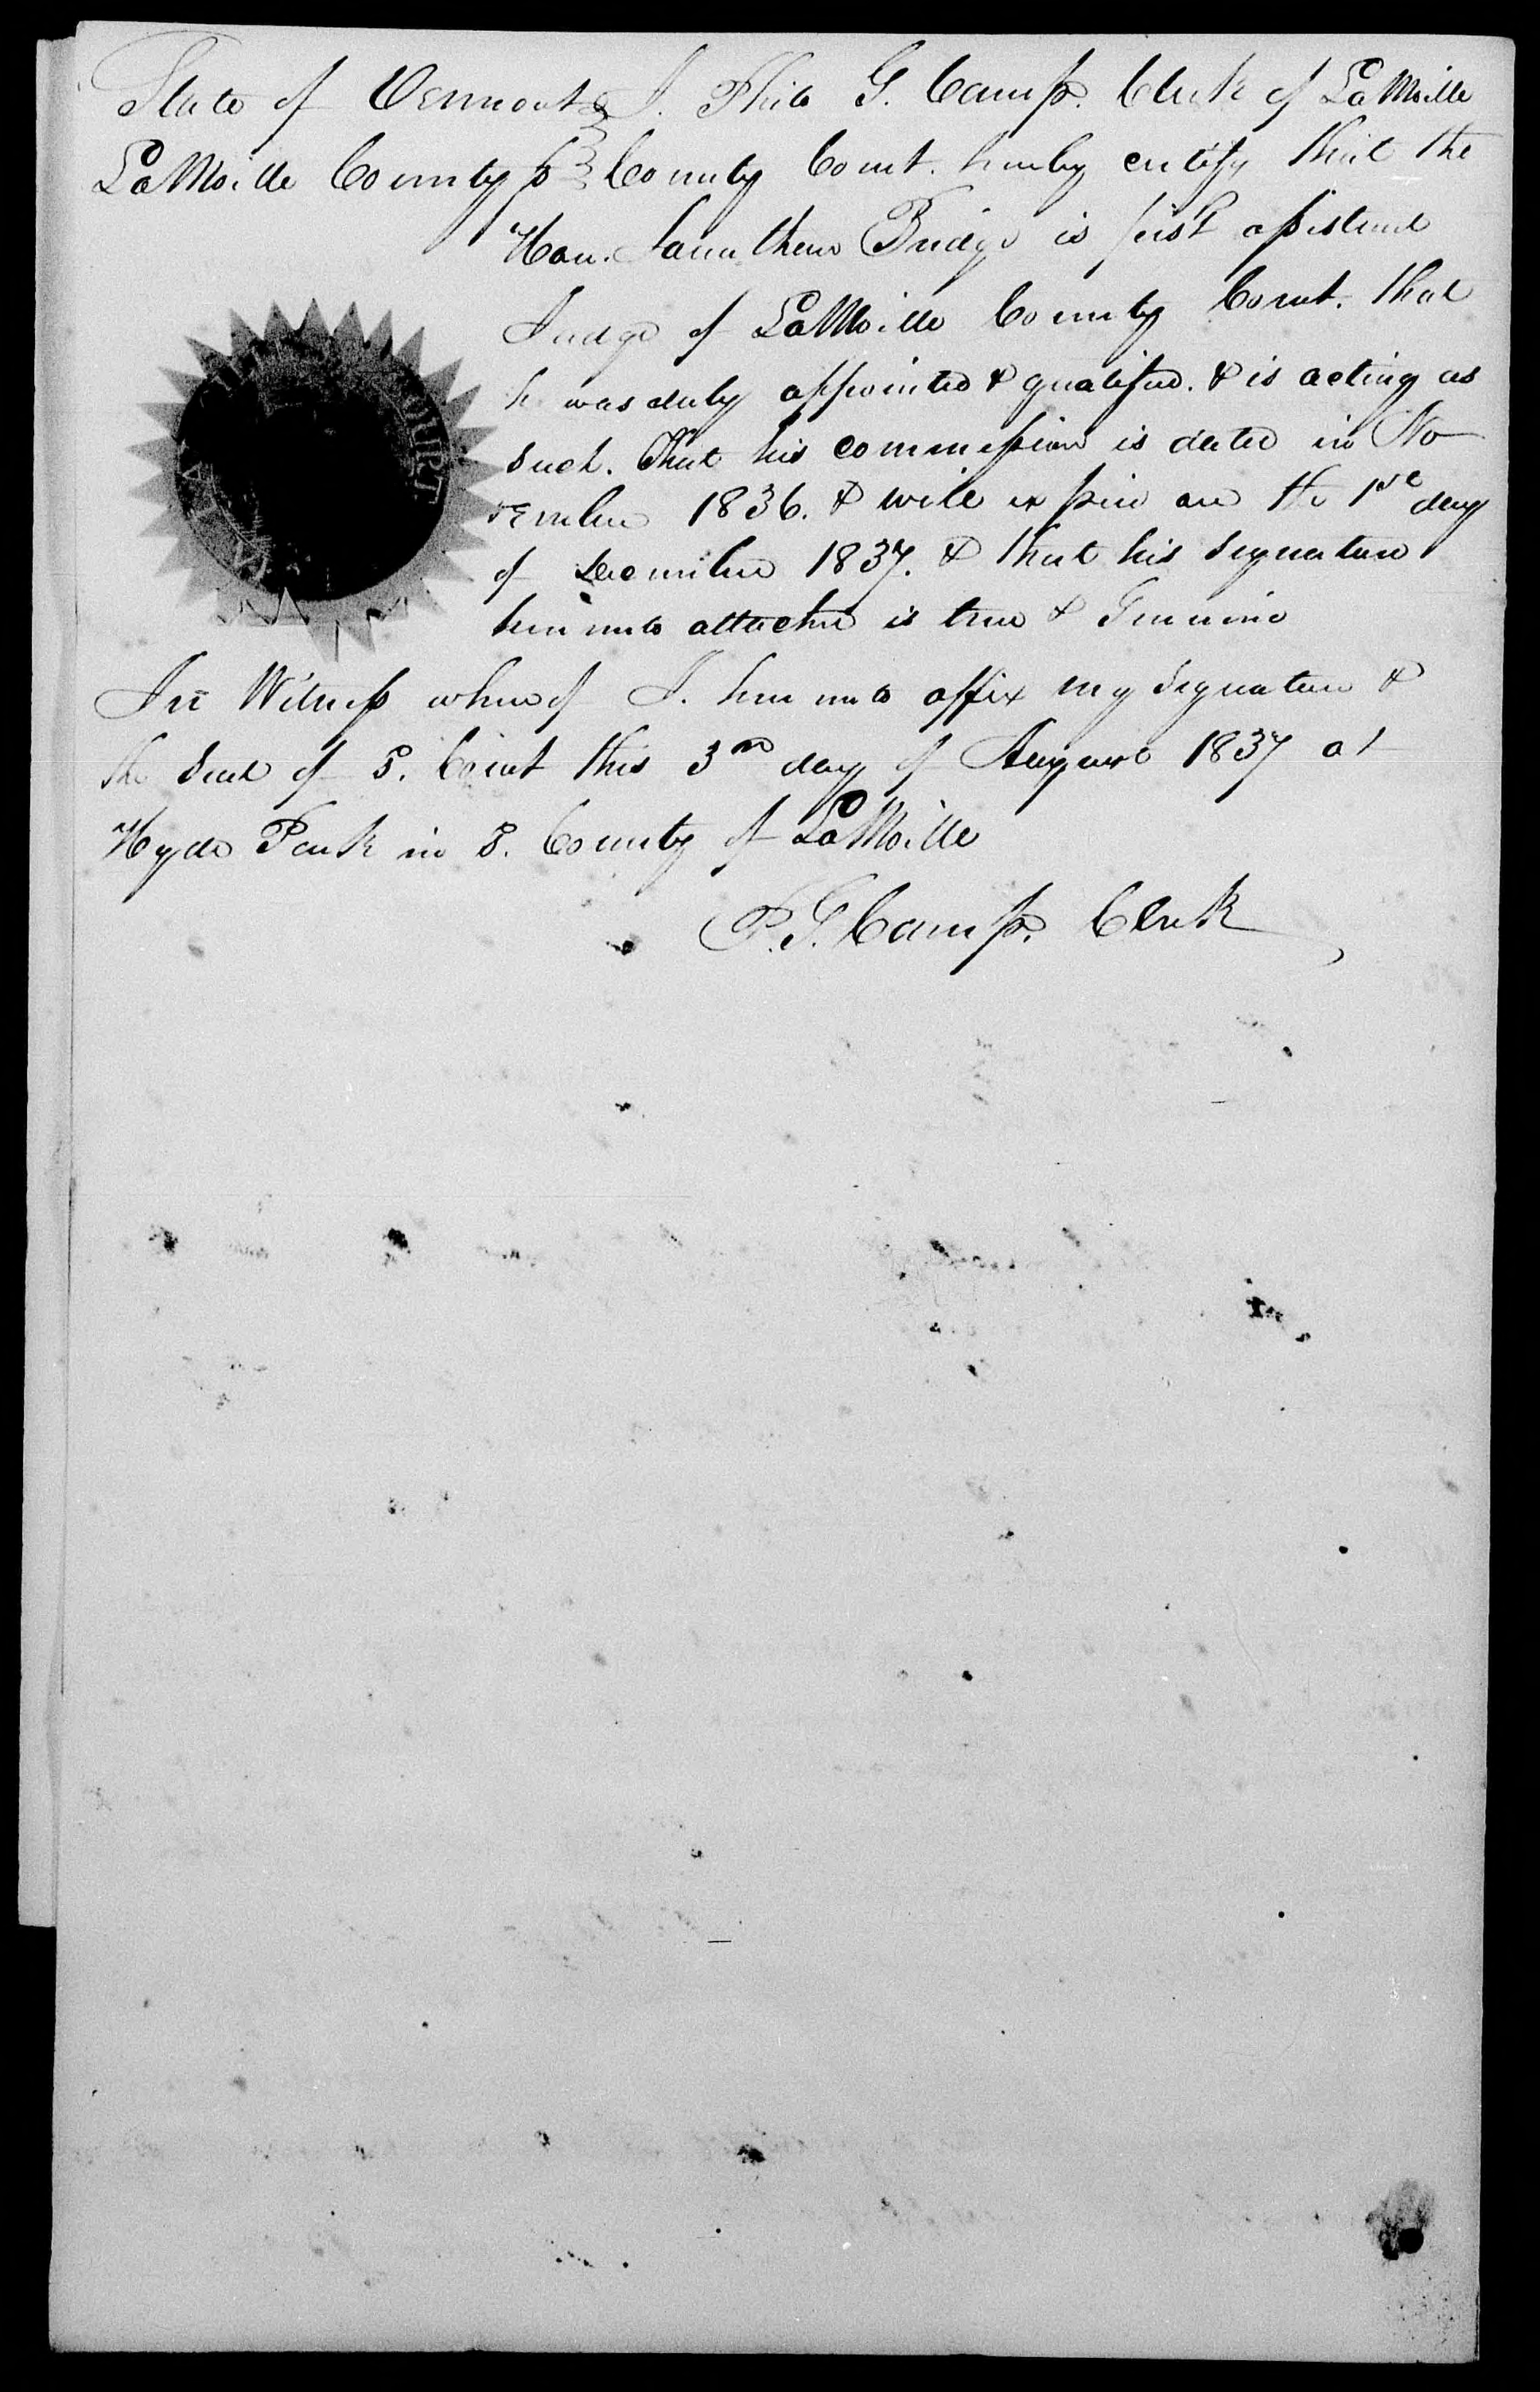State of Vermont     )
LaMoille County fs  )

I Philo G. Camp Clerk of LaMoille County Court hereby certify that the Hon'l Jonathan Bridge is first afsistant Judge of LaMoille County Court.  that he was duly appointed & qualified & is acting as such.  That his commifsion is dated in November 1836 & will expire on the 1st day of December 1837 7 that his Signature hereunto attached is true & Genuine

In Witnefs whereof I hereunto affix my Signature & the Seal of s'd Court this 3rd day of August 1837 at Hyde Park in s'd County of LaMoille
P.G. Camp  Clerk

[illegible stamp affixed to the left of the above paragraph]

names: P G Camp, Jonathan Bridge, Phil G Camp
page: 5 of 18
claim: widow's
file: W. 21,147, Nehemiah French, Mass. Or N.H.